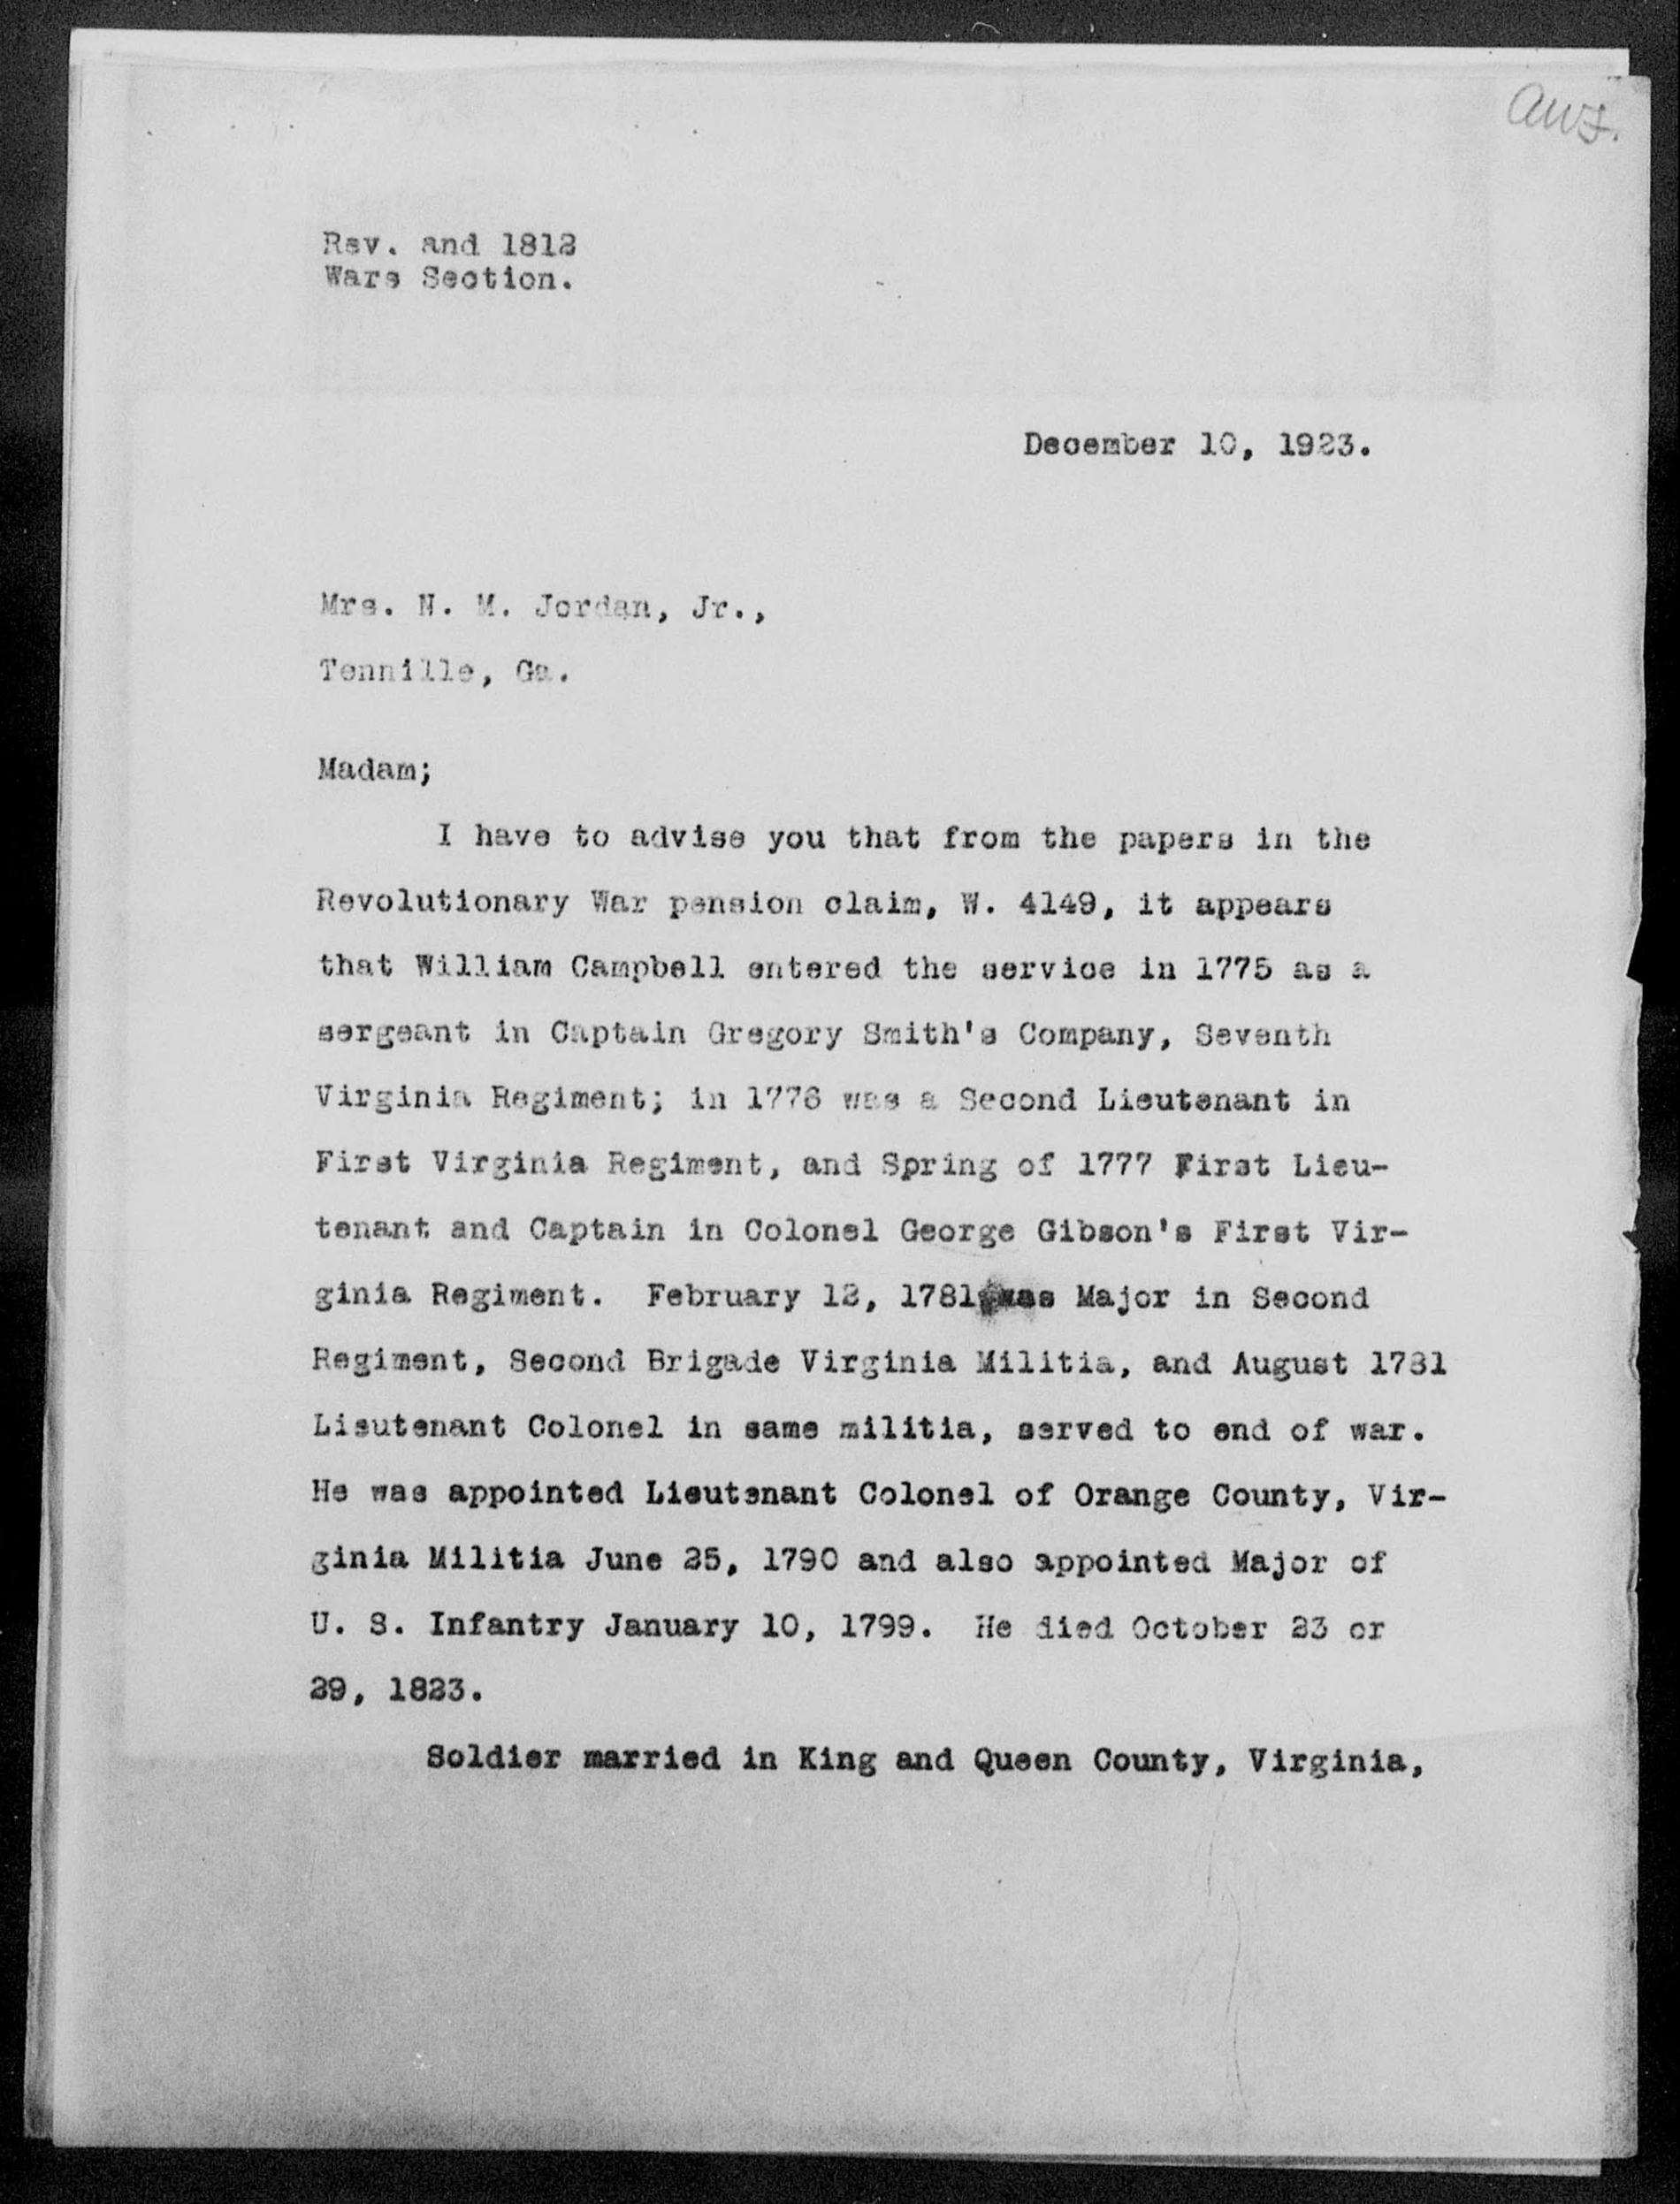Rev. and 1812
Wars Section.

December 10, 1923.

Mrs. N. M. Jordan, Jr.,
Tennille, Ga.
Madam;

I have to advise you that from the papers in the Revolutionary War pension claim, W. 4149, it appears that William Campbell entered the service in 1775 as a sergeant in Captain Gregory Smith's Company, Seventh Virginia Regiment; in 1776 was a Second Lieutenant in First Virginia Regiment, and Spring of 1777 First Lieutenant and Captain in Colonel George Gibson's First Virginia Regiment.  February 12, 1781 was Major in Second
Regiment, Second Brigade Virginia Militia, and August 1781 Lieutenant Colonel in same militia, served to end of war.
He was appointed Lieutenant Colonel of Orange County, Virginia Militia June 25, 1790 and also appointed Major of U. S. Infantry January 10, 1799. He died October 23 or
29, 1823.
Soldier married in King and Queen County, Virginia,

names: William Campbell, N M Jordan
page: 263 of 267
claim: widow's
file: W. 4,149, William Campbell, Va.